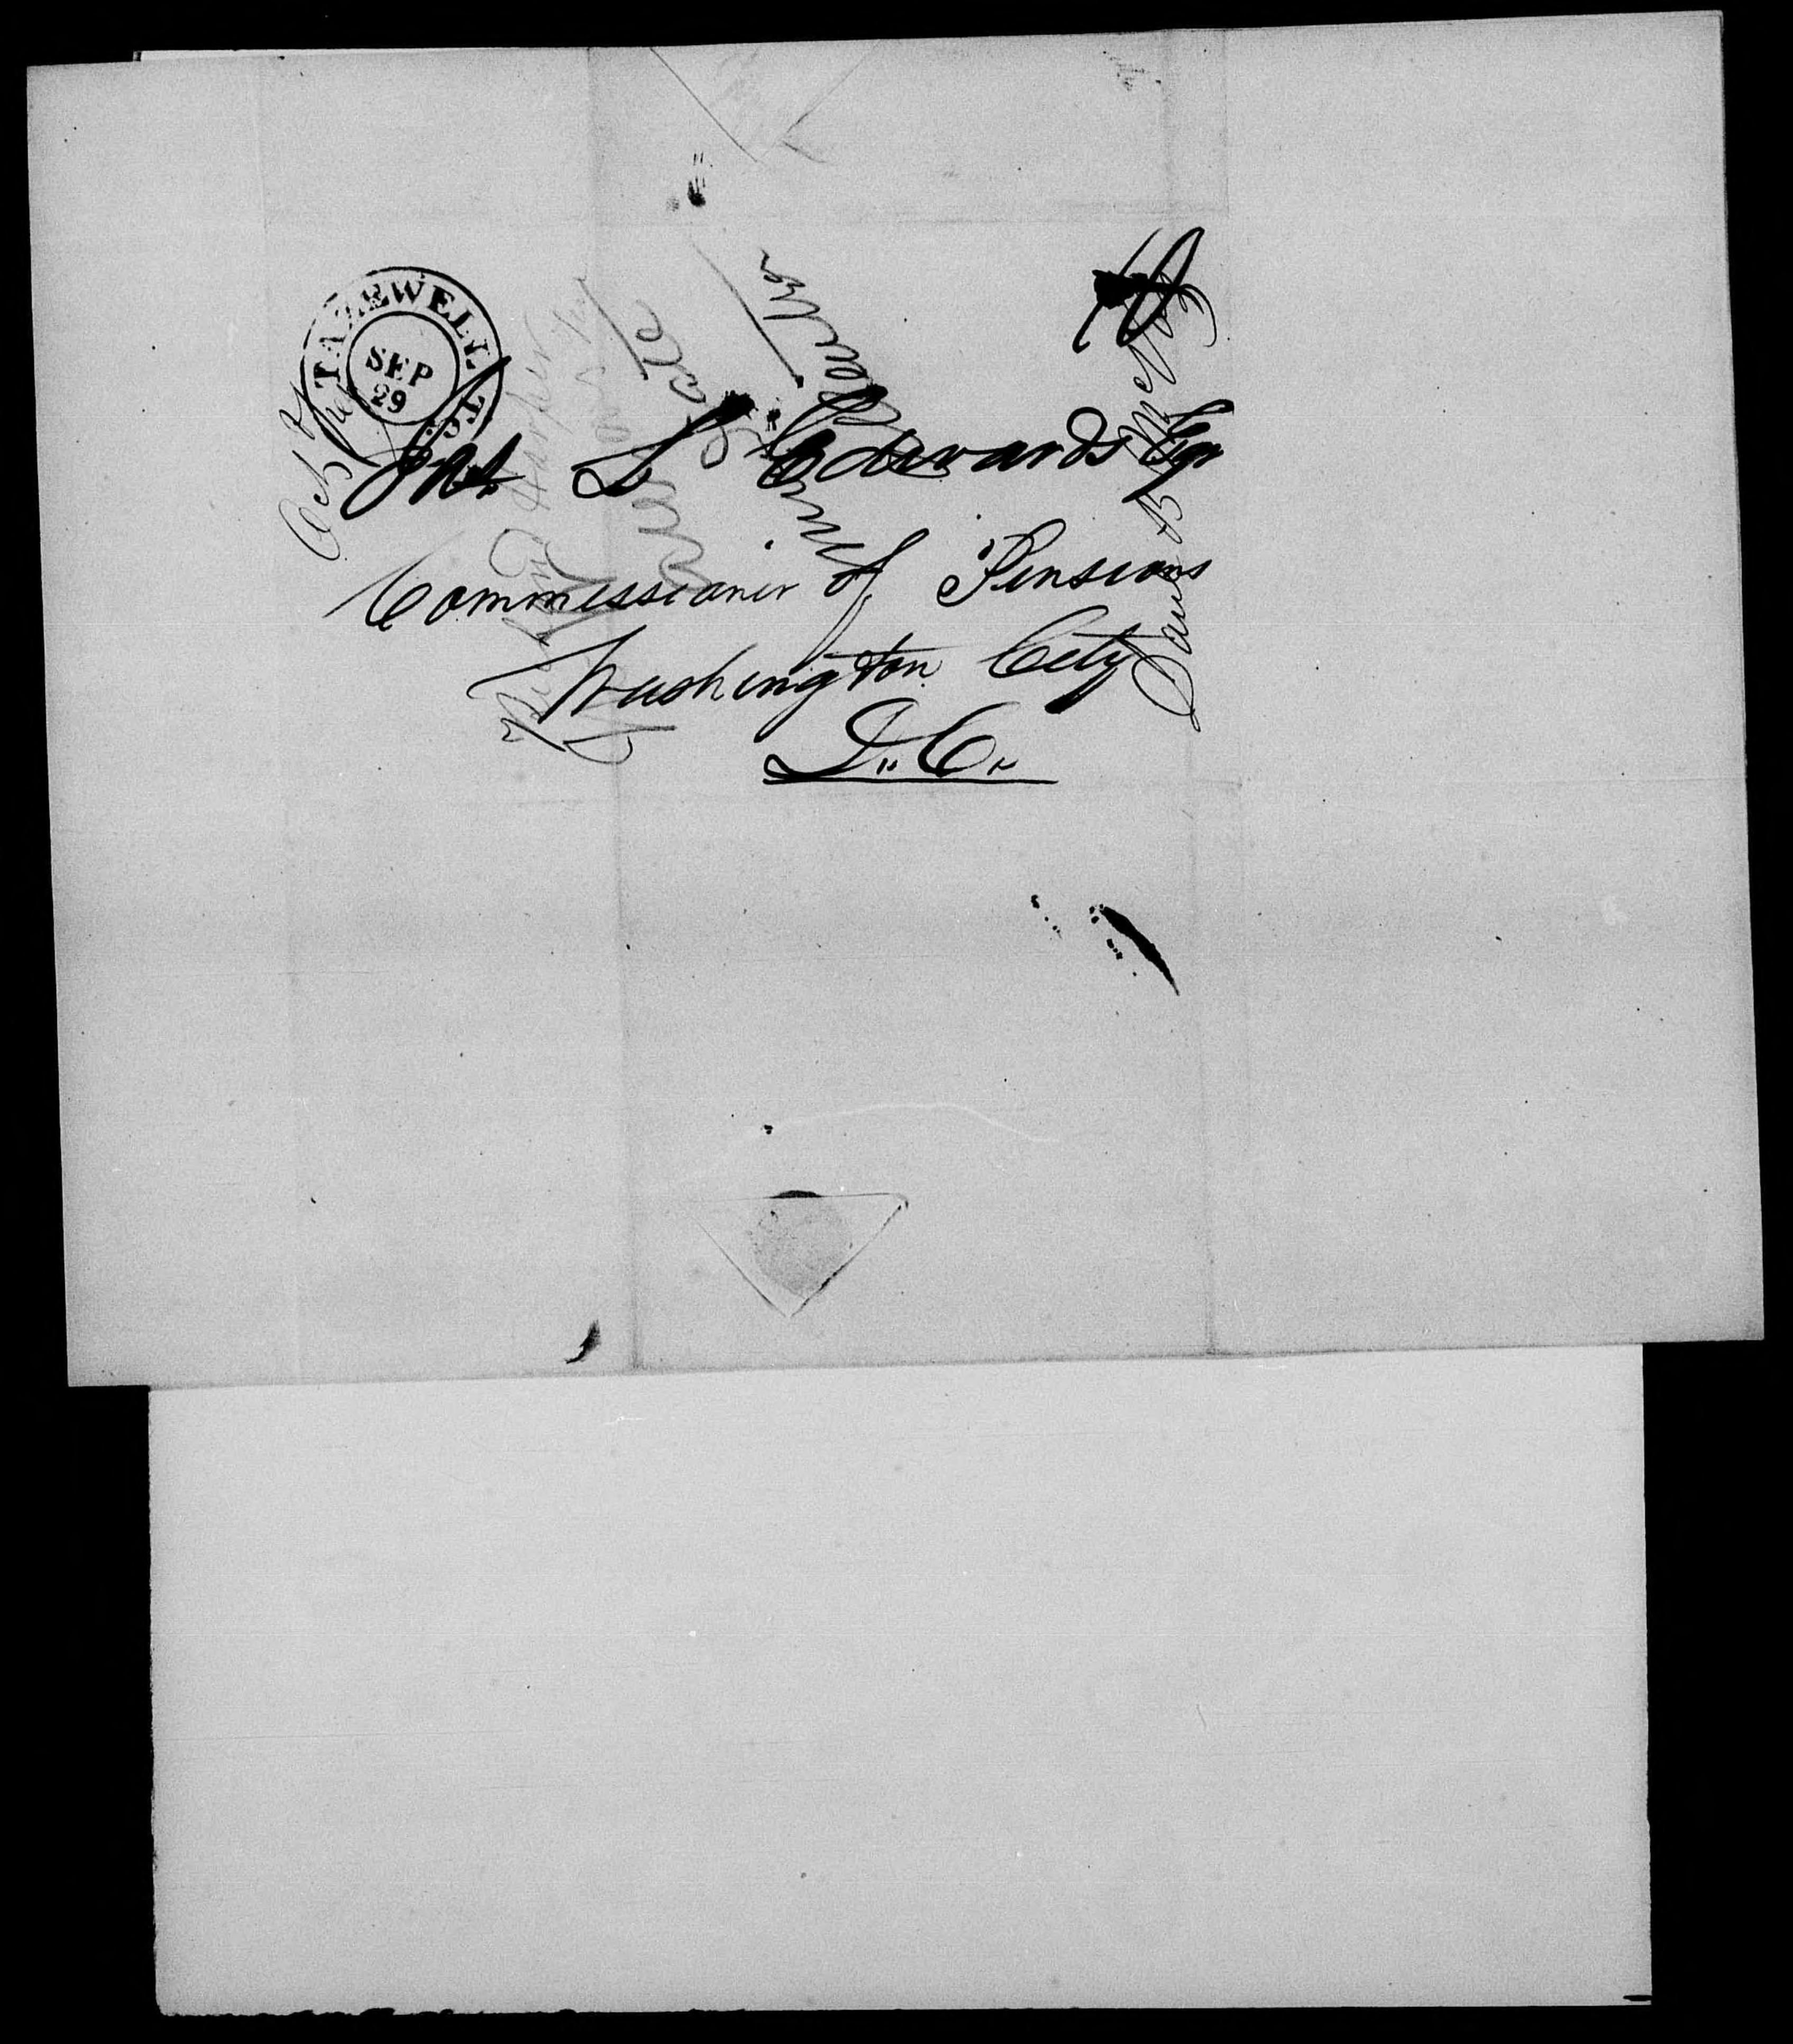TAZEWELL Te.
SEP 29

Jas L Edwards Esq
Commissioner of Pensions
Washington City
D. C.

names: Allison, Richard Harper, Jas L Edwards, Danl B Mc Vay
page: 36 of 81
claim: survivor's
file: S. 1908, Richard Harper, N.C.